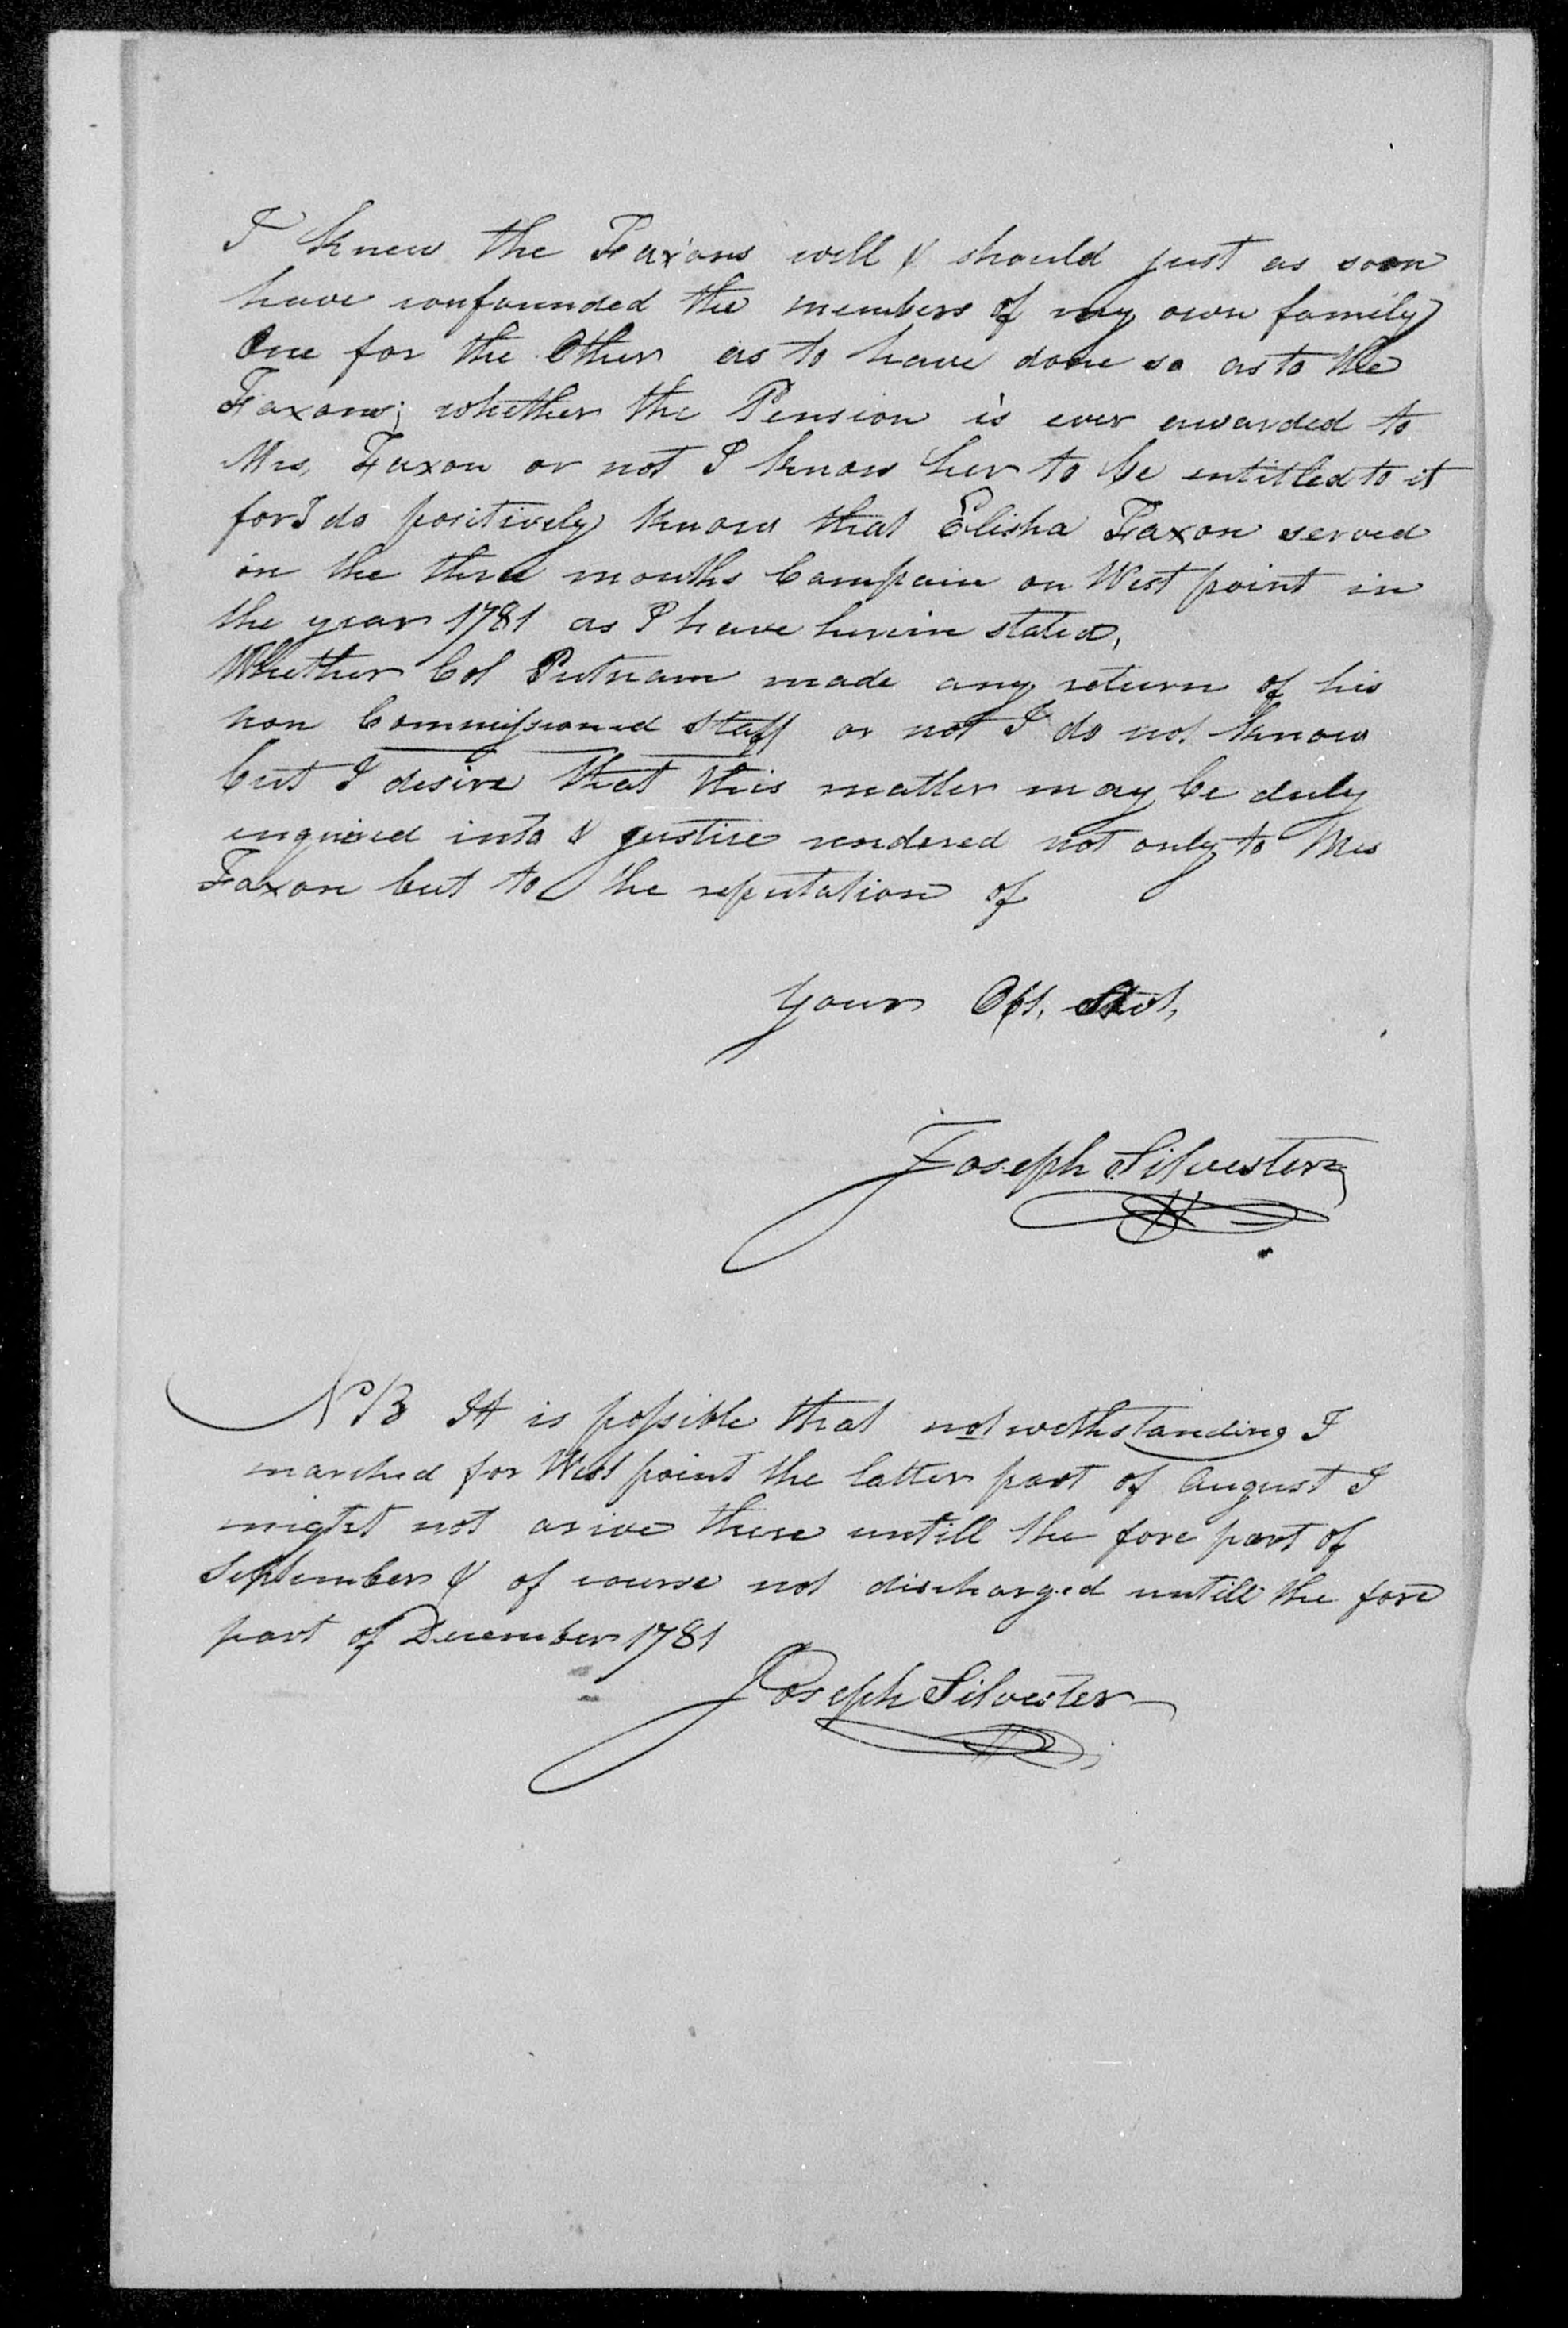I knew the Faxons well and should just as soon have cons(illegible) the members of my own family one for the other as to have done so as to the Faxons whether the Pension is ever awarded to Mrs. Faxon or not I have known her to be entitled to it for. I do positively know that Elisha Faxon served in the three months Campaigns on West Point in the year 1781 as I have herein stated.
Whether Col. Putnam made any (illegible) of his Commissioned Staff as not I do not know but I desire that this matter may be duly inquired into as Justice endorsed not only to Mrs. Saxon but to the reputation of
Yours (Illegible)
Joseph Silvester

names: Joseph Silvester, Faxon, Joseph Silvester, Faxon, Faxon, Faxon, Putnam, Elisha Faxon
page: 24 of 47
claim: widow's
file: W. 14703, Elisha Faxon, Mass